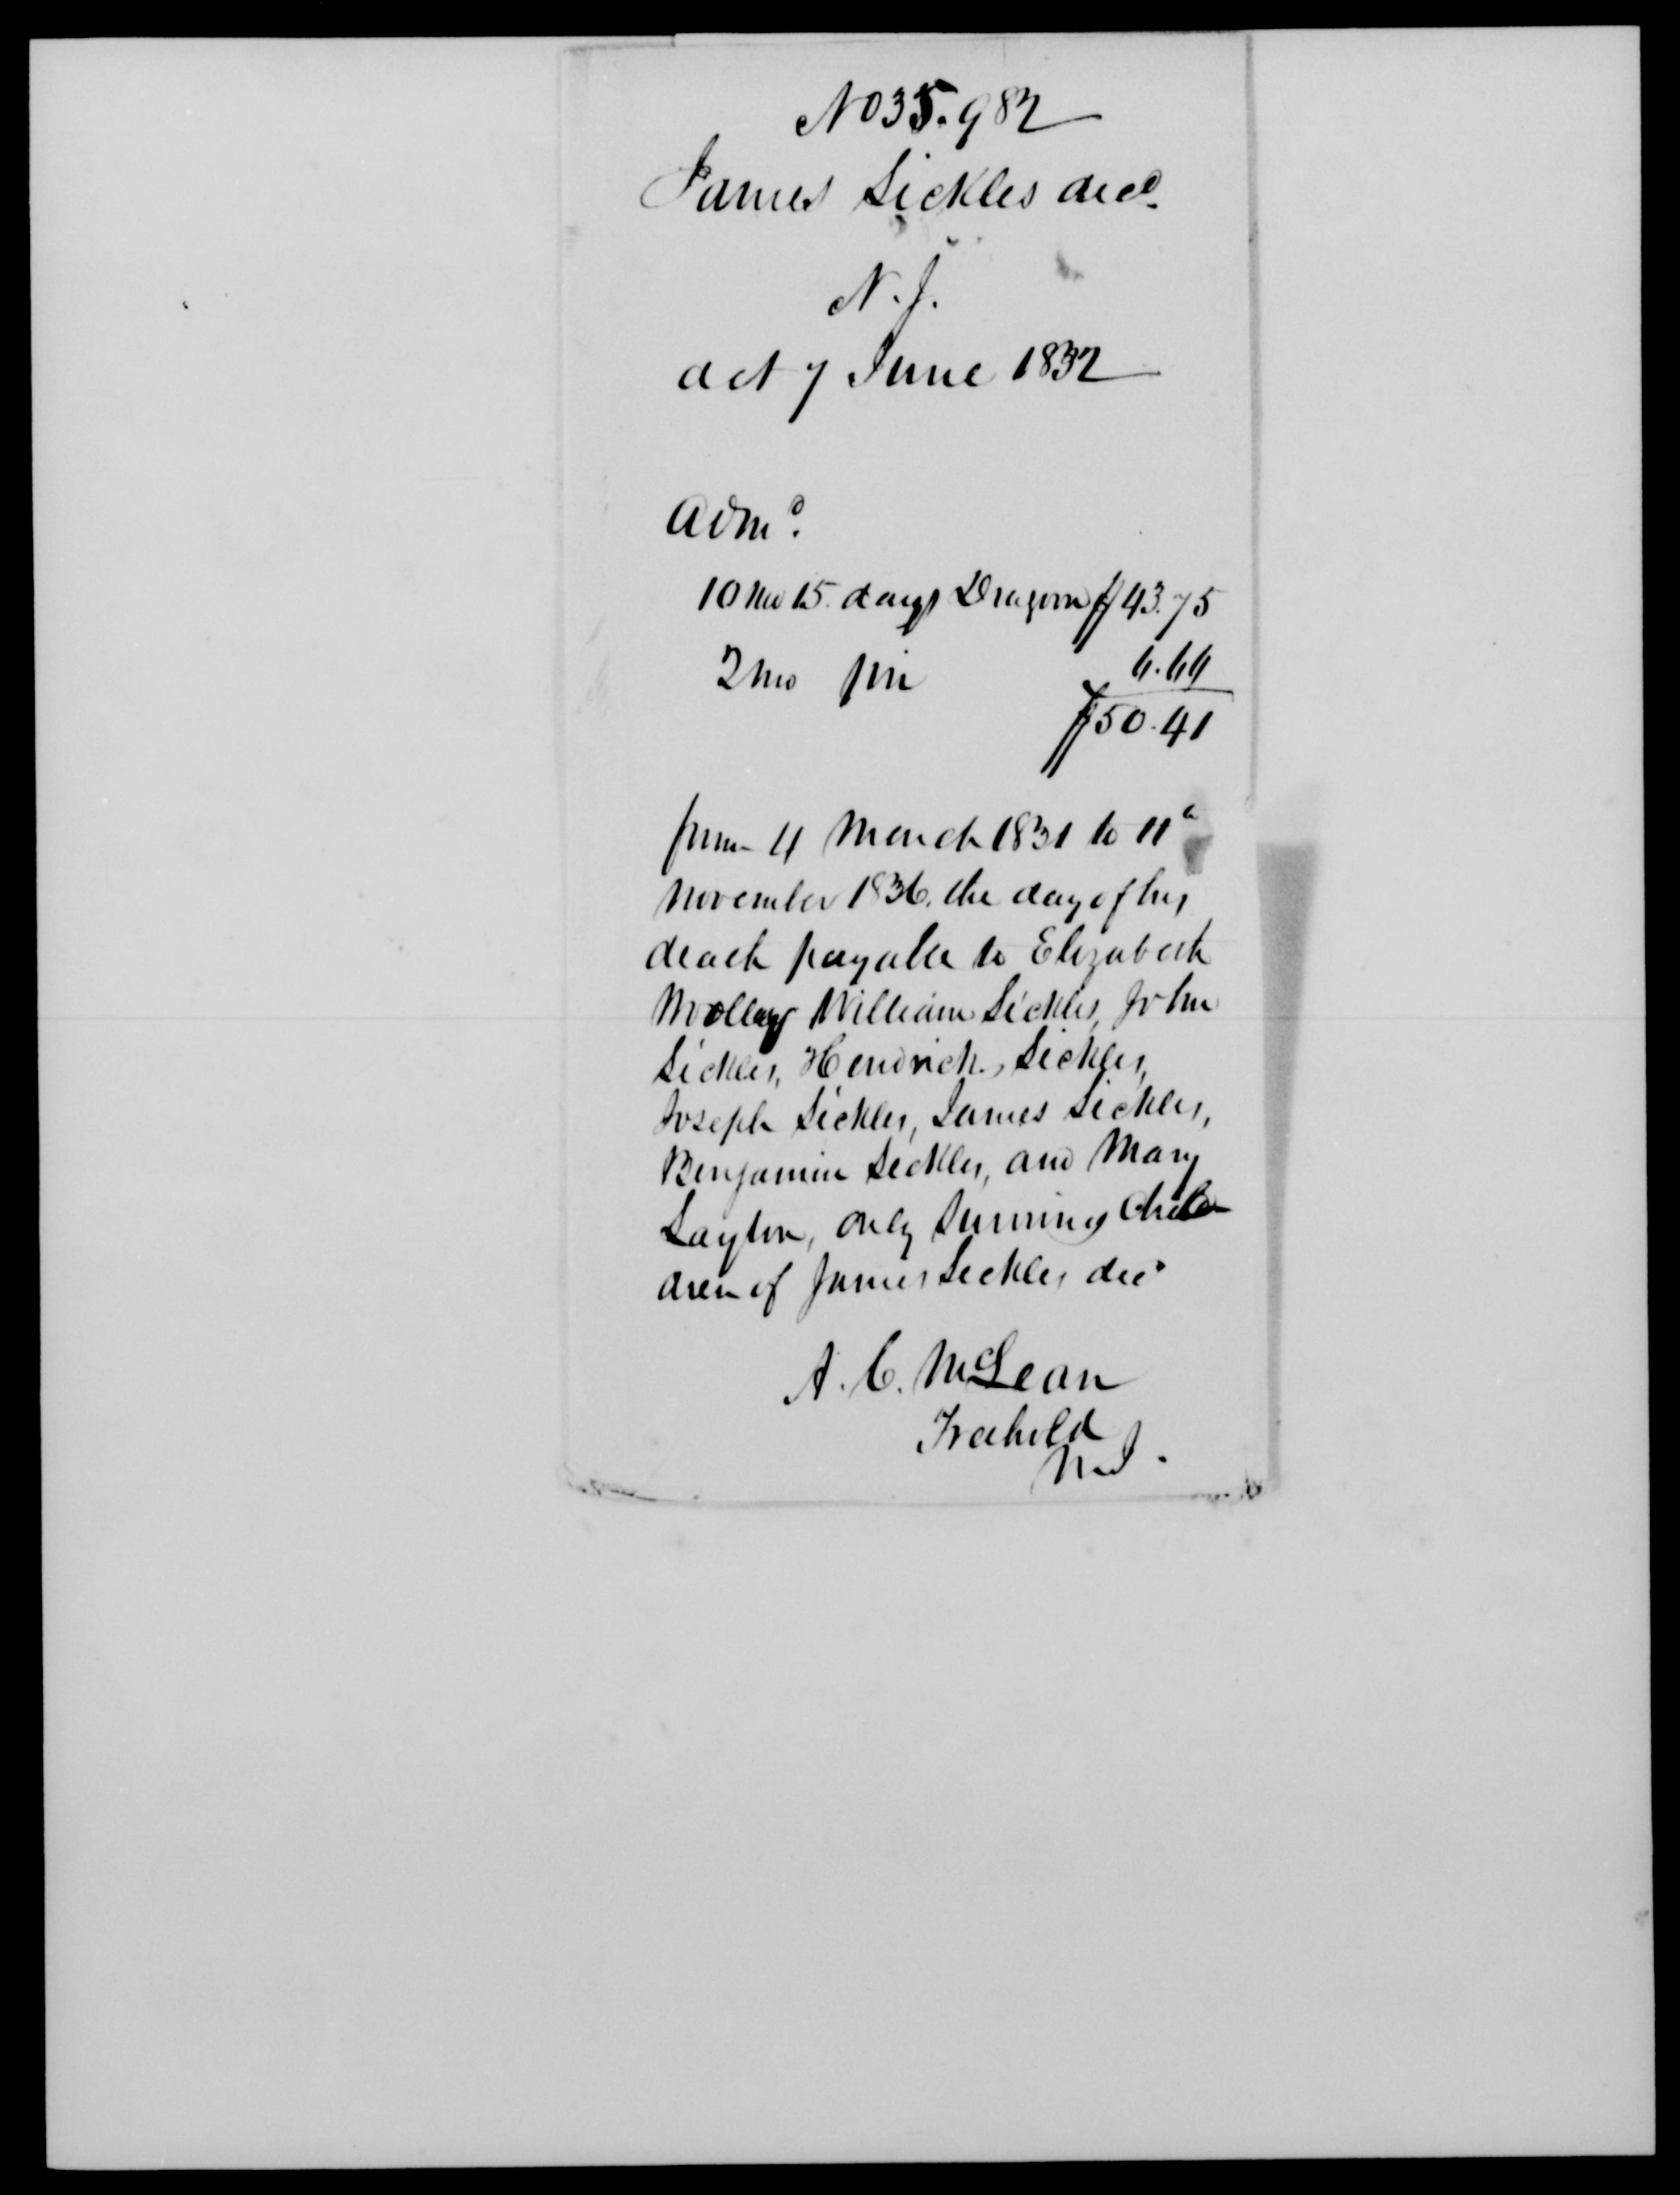No 35,982
James Sickles decd.
N.J.
act 7 June 1832
Admd.
10 Mo 15 days Dragoon $43.75
2 mo pri 6.66
$50.41
from 4 March 1831 to 11th
November 1836, the day of his
death payable to Elizabeth 
Woolley William Sickles, John
Sickles, Hendrick Sickles
Joseph Sickles, James Sickles,
Benjamin Sickles, and Mary
Layton, only Surviving Chil
dren of James Sickles decd
A. C. McLean
Freehold 
N.J.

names: A C Mc Lean; James Sickles; Elizabeth Woolley; John Sickles; Mary Layton; James Sickles; Benjamin Sickles; Joseph Sickles; James Sickles; Hendrick Sickles; William Sickles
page: 11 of 33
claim: survivor's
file: S. 4,841, for James Sickles, New Jersey